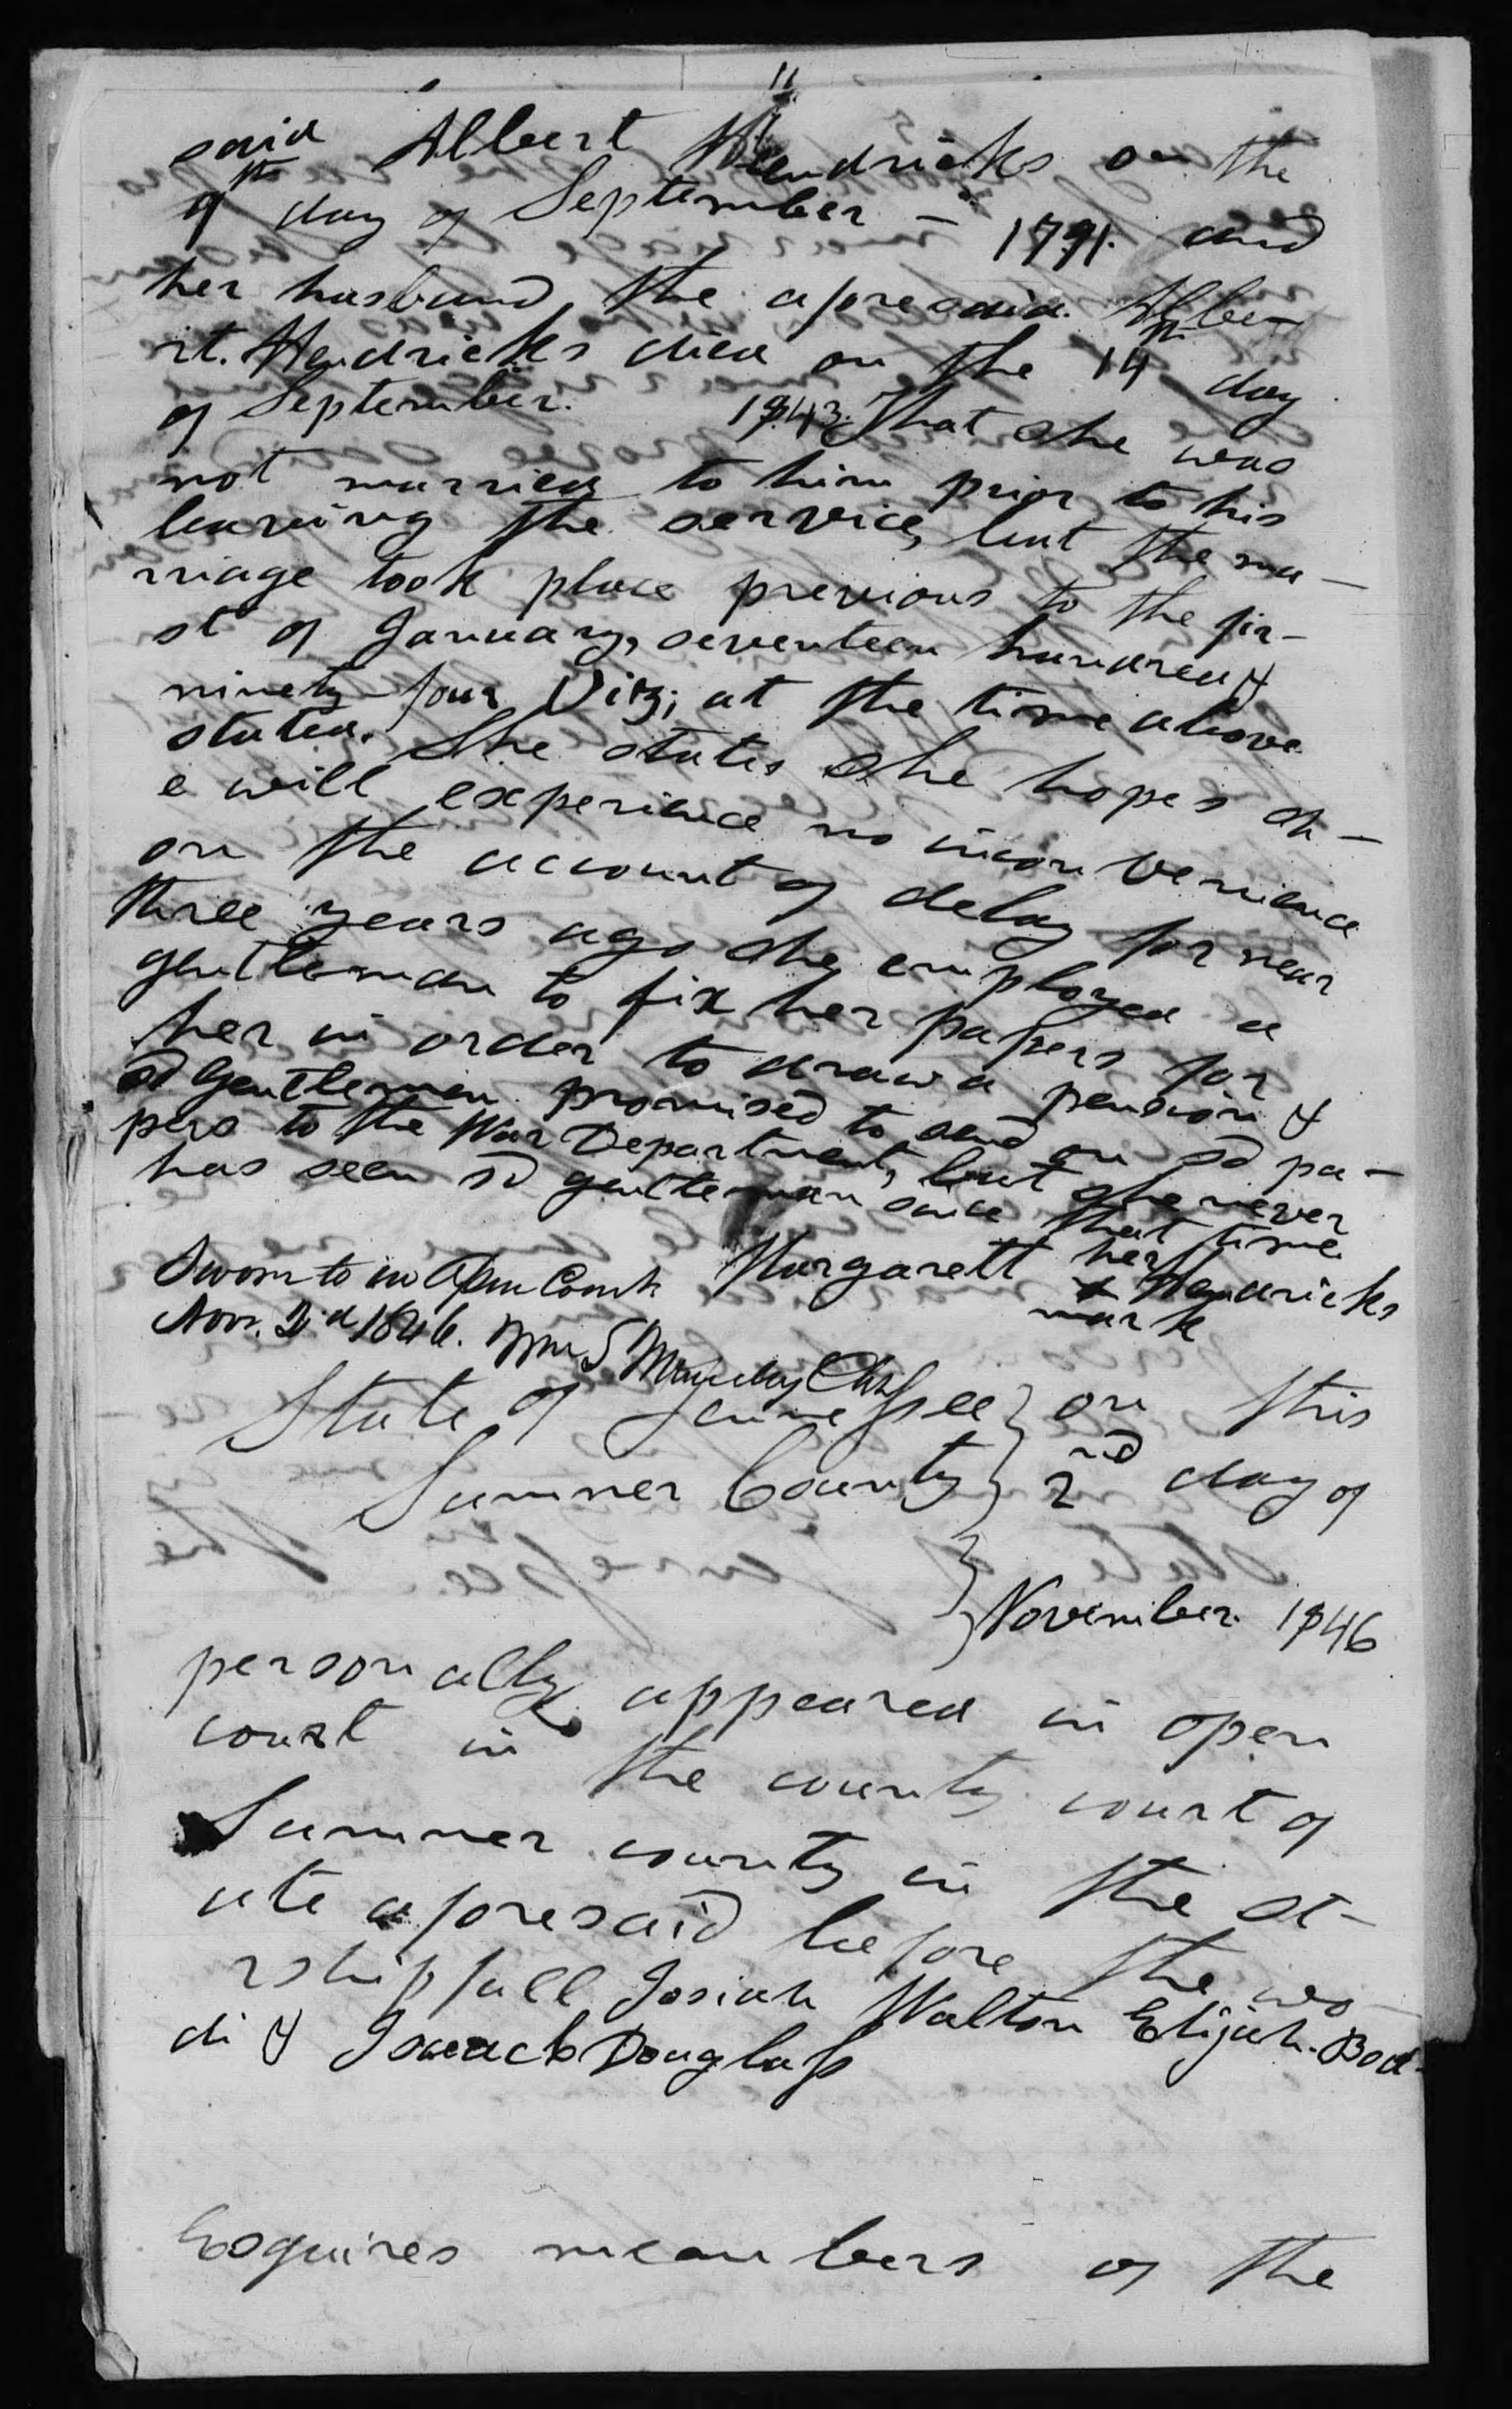said Albert Hendricks on the 4th day of September - 1791 and her husband the aforesaid Albert Hendricks died in the 14th day of September 1843. That she was not married to him prior to his leaving the service, but the marriage took place previous to the first of January seventeen hundred & ninety-four viz; at the time above stated. She states she hopes one will experience no inconvenience on the accounting delay for said gentleman to fix her papers for her in order to draw a pension & sd gentleman promised to send on sd. papers to the War Department, but she never has seen sd gentleman since that time
Margarett Hendricks X her mark

Sworn to in open court Novr. 2d 1846
Wm S Munday Chs

State of Tennessee Summer County SS
On this 2d day of November 1846 personally appeared in open court in the county court of Summer county in the state aforesaid before the worshipfull Josiah Walton Elijah Boddi & Isaac C Douglass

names: Elijah Boddi, Josiah Walton, Wm S Munday, Albert Hendricks, Isaac C Douglass, Albert Hendricks, Margarett Hendricks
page: 28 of 76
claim: widow's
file: W. 83, Albert Hendricks, Continental Md. N.C.